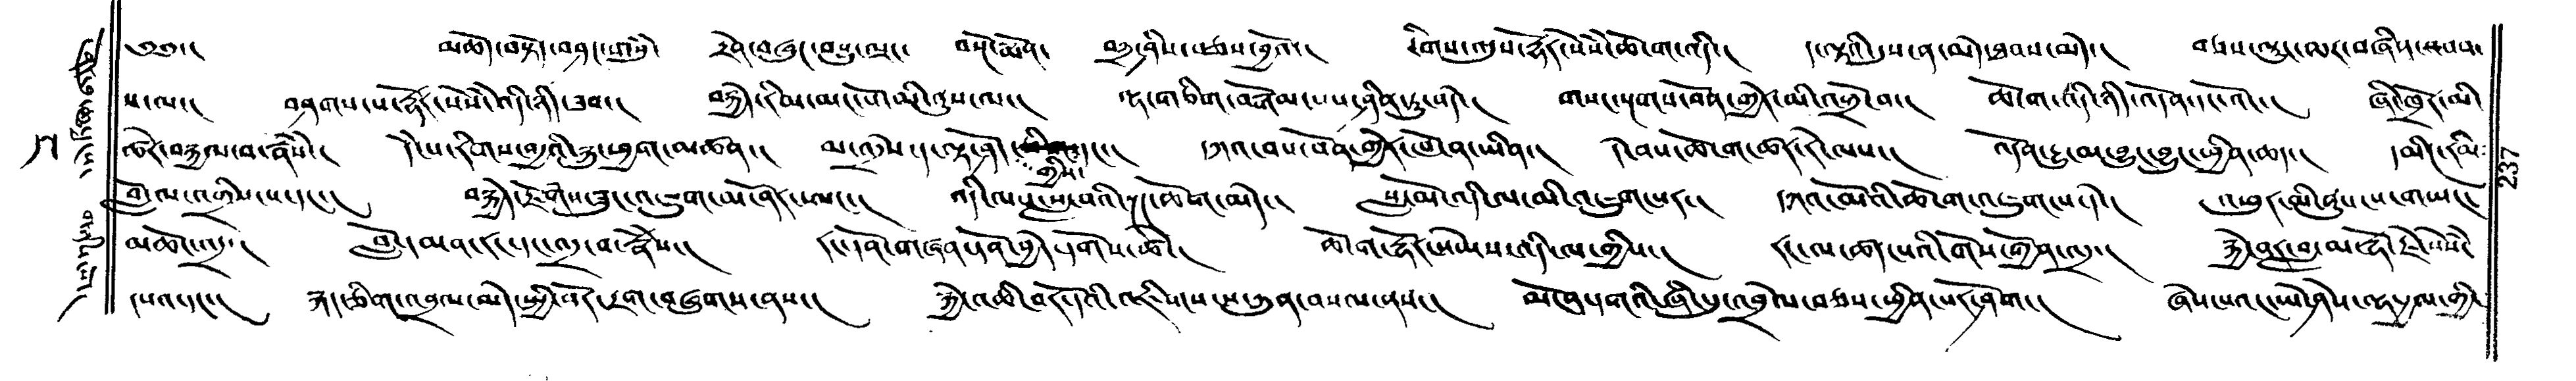མཆོད་བསྟོད་བཤགས་གསུམ། རྟེན་བཞུགས་བསྡུ་ལྡང་། བསྔོ་སྨོན། བཀྲ་ཤིས་བཅས་བྱའོ། རིགས་འདུས་རྡོར་སེམས་ཆོ་ག་འདི། །ད་ལྟའི་དུས་ན་མེད་ཐབས་མེད། །བཅས་ལྟུང་ཆར་བཞིན་འབབ་
པ་ལ། །བཤགས་པ་རྡོར་སེམས་འདི་ཉིད་ཟབ། །སྐྱེད་རིམ་མང་པོ་མི་ནུས་ལ། །ལྷ་གཅིག་སྒོམ་པ་ཤིན་ཏུ་བདེ། །གསང་སྔགས་བོན་གྱེར་མི་འགྲོ་བ། །ཆོ་ག་འདི་ཉིད་འདོན་དང་འོང་། །ཞི་ཁྲོར་མི་
ཚེ་བསྐྱལ་བ་རྣམས། །དམ་པ་རིགས་བརྒྱའི་སྐུ་ཕྱག་མཚན། །མ་འགྲེས་ད་ལྟ་ཤོད་གྱིས་དང་། །དཀའ་བས་བོན་གྱེར་ཁོ་ན་ཡིན། །དེ་བས་ཆོ་ག་ཚར་རེ་ལས། །འདོན་རྒྱུ་མ་བྱུང་བྱུང་ཕྱིན་ཆད། དམིགས་རིམ་
བློ་ལ་འདྲིས་པ་དང་། །སྐྱེད་རྫོགས་ཟུང་འཇུག་མ་ནོར་ཨང་། །འདི་ལས་སླ་བའི་སྔགས་ཆོག་མེད། །སླ་མོ་འདི་ལ་མི་འཇུག་པར། །དཀའ་མོའི་ཆོ་གར་འཇུག་པ་དེ། །འཕུར་མི་ནུས་པ་གཡང་
མཆོང་འདྲ། །བློ་དམན་རང་དང་འདྲ་བ་རྣམས། །རང་དོན་གཞན་དོན་བྱེད་དགོས་ཚེ། །ཆོ་ག་རྡོར་སེམས་འདི་ལ་གྱིས། །རང་ལ་ཚད་པའི་གོས་གྱོན་འདྲ། །སྐྱེ་བར་བླ་མ་རྡོ་རྗེ་སེམས་
དཔའ་དང་། །སྐད་ཅིག་འབྲལ་མེད་སྤྱི་བོར་རྟག་བཞུགས་ནས། །སྐྱེ་འཆི་བར་དོའི་འཇིགས་པ་ཀུན་བསལ་ནས། །མངོན་དགའི་ཞིང་དུ་འབྲེལ་བཅས་ཕྱིན་པར་ཤོག།ཞེས་པའང་ཡེ་ཤེས་ལྷ་རྒྱལ་གྱི་